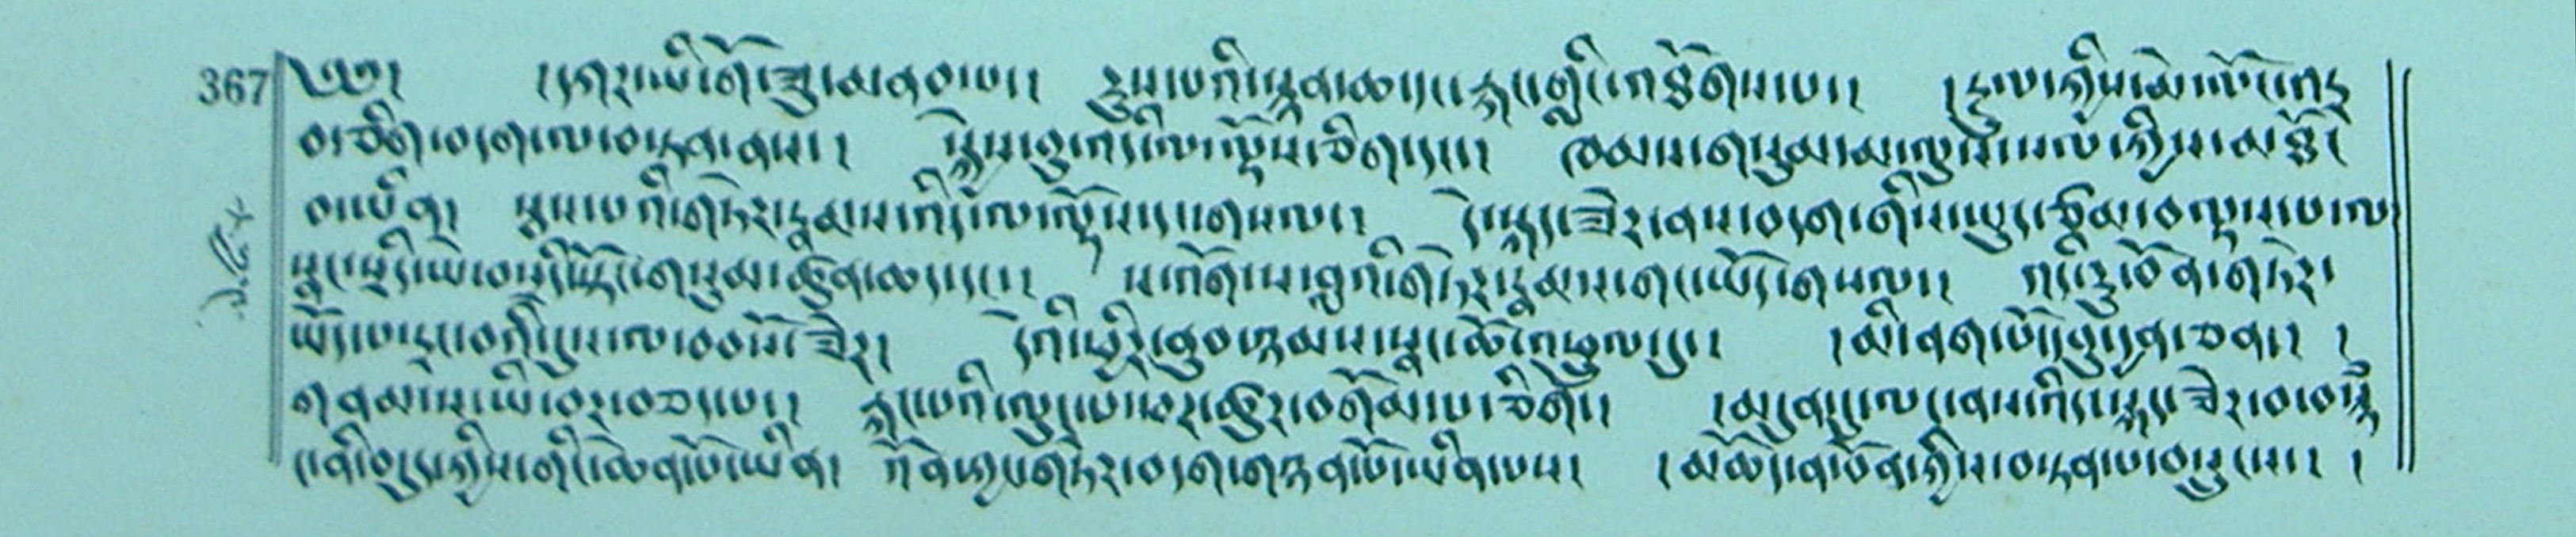༄༅། །དཀར་གྱི་གོ་ཟུ་མནབས་པ། རུས་པའི་རྒྱན་དང་རྐང་གླིང་ཐོགས་པ་ལ། དངུལ་གྱི་མེ་ལོང་འདྲ་བ་
གཅིག་བདག་ལ་བསྟན་ནས། སྐྱེས་བུ་འདི་ལ་ལྟོས་ཤིག་དང་། ཁམས་གསུམ་མ་ལུས་སལ་གྱིས་མཐོང་
བ་ཡིན། སྦས་པའི་གཏེར་རྣམས་འདི་ལ་ལྟོས་དང་གསལ། དེ་སྐད་ཟེར་ནས་བདག་གིས་ཡུད་ཙམ་བལྟས་པ་ལ།
 སྣང་སྲིད་ཡེ་སྲིད་སྟོང་གསུམ་ཚུན་ཆད་དང་། ས་འོག་ས་བླའི་གཏེར་རྣམས་གང་ཡོད་གསལ། འདི་རུ་བོན་གཏེར་
ཡོད་པ་དྲངས་པའི་དུས་ལ་བབས་སོ་ཟེར། དེའི་ཕྱིར་ནུབ་ཉམས་སྣང་ཆོ་འཕྲུལ་དུ། མི་ནག་པོ་དབུ་རྒྱན་ཅན། 
གནམ་སའི་བར་བཅད་པ། རྐང་པ་ལུང་བ་ཕར་ཚུར་འགོམ་པ་ཅིག་མདུན་དུ་ལངས་ནས་འདི་སྐད་ཟེར་བ་སྙམས། 
ང་ནི་བདུད་ཀྱི་གིང་ཆེན་པོ་ཡིན། བོན་ཀྱང་གཏེར་བདག་གཉན་པོ་ཡིན་པས། མཆོད་ན་བོན་གྱིས་བསྟན་པ་བསྲུངས།